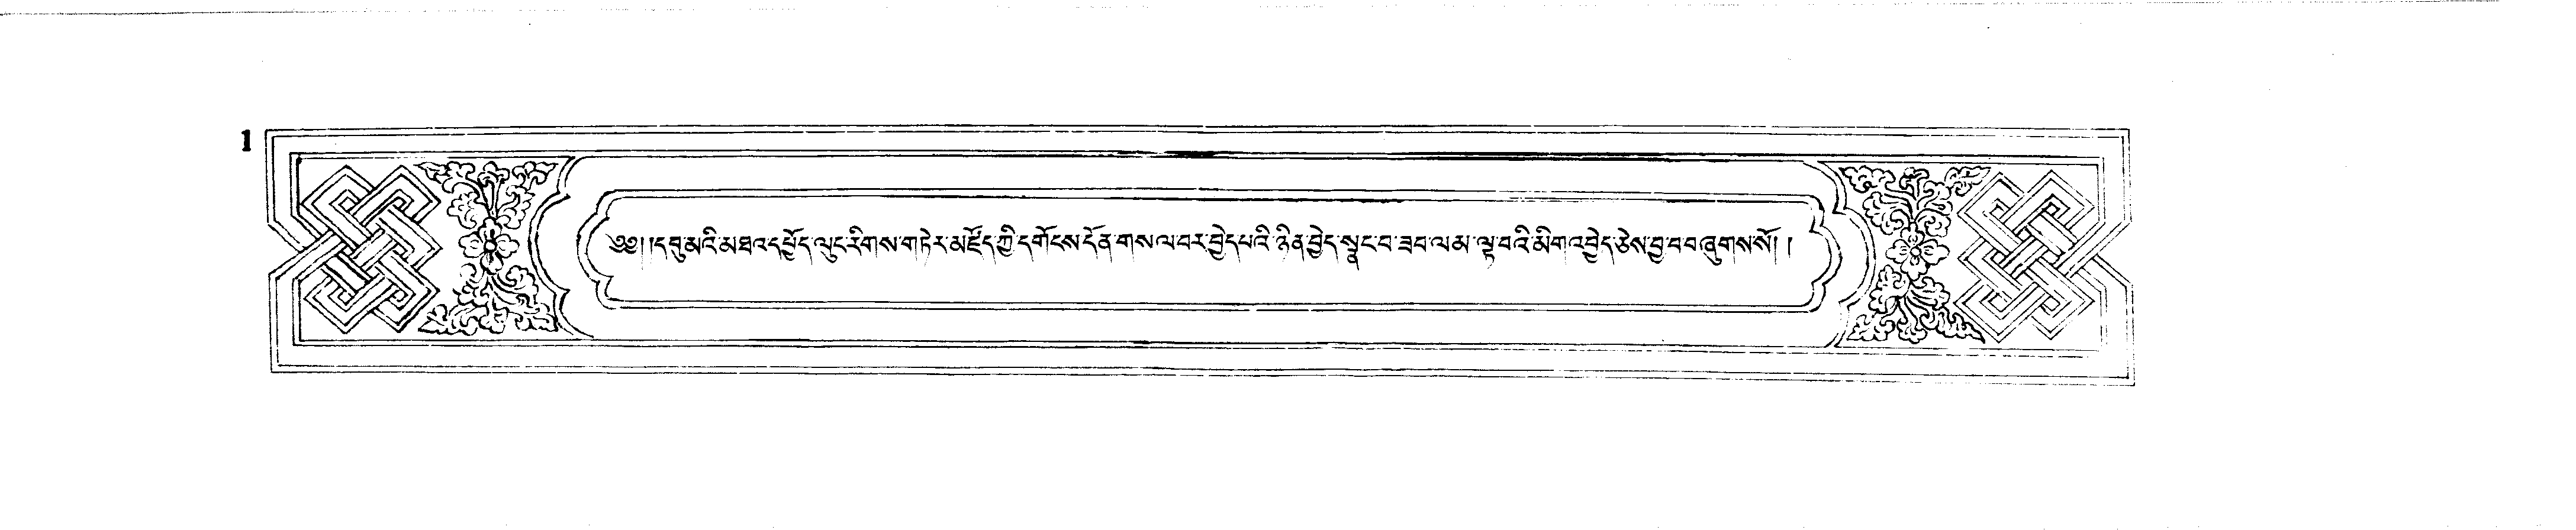༄༅། །དབུ་མའི་མཐའ་དཔྱོད་ལུང་རིགས་གཏེར་མཛོད་ཀྱི་དགོངས་དོན་གསལ་བར་བྱེད་པའི་ཉིན་བྱེད་སྣང་བ་ཟབ་ལམ་ལྟ་བའི་མིག་འབྱེད་ཅེས་བྱ་བ་བཞུགས་སོ། །